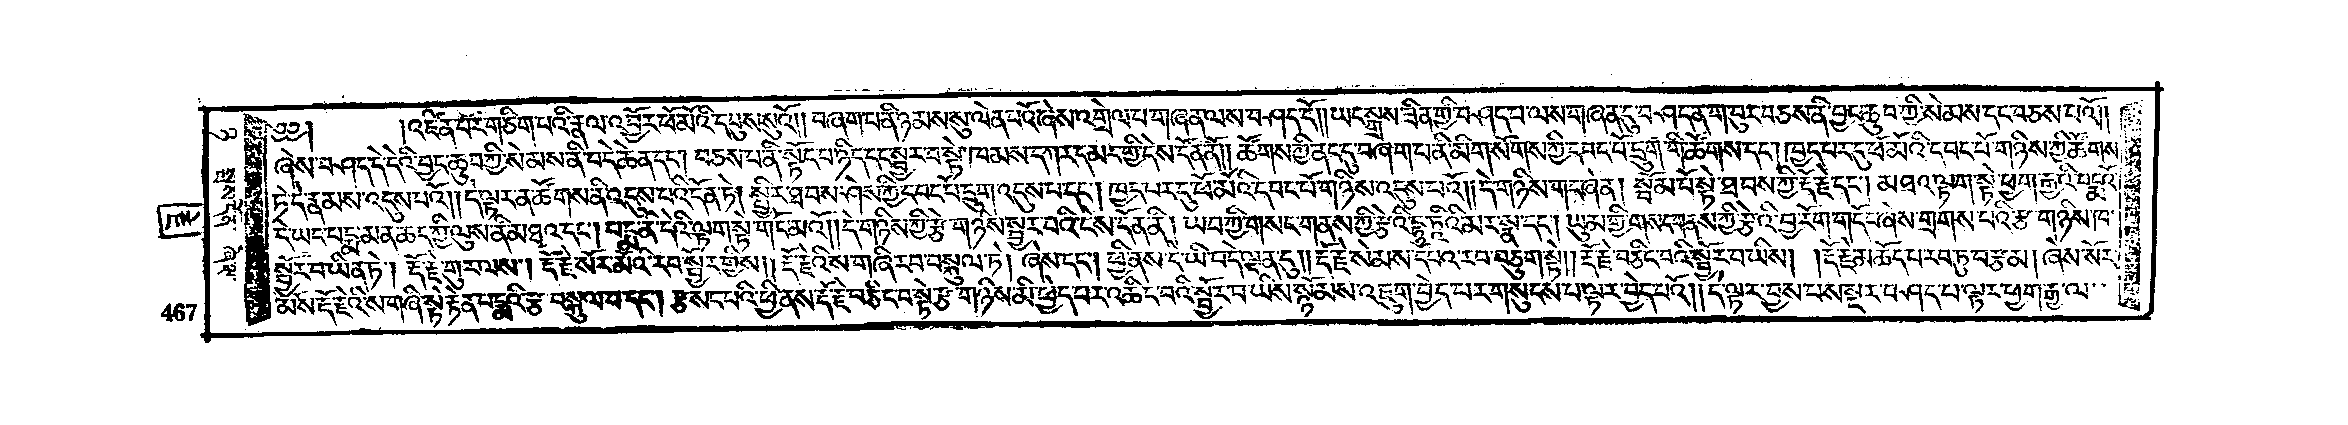༄༅། །འཛིན་པར་གཅིག་པའི་རྣལ་འབྱོར་ཕོ་མོའི་དབུས་སུའོ། །བཞག་པ་ནི་ཉམས་སུ་ལེན་པའོ་ཞེས་འགྲེལ་པ་གཞན་ལས་བཤད་དོ། །ཡང་སྒྲས་ཟིན་གྱི་བཤད་པ་ལས་གཞན་དུ་བཤད་ན་ག་བུར་བཅས་ནི་བྱང་ཆུབ་ཀྱི་སེམས་དང་བཅས་པའོ། །
ཞེས་བཤད་དེ་དེའི་བྱང་ཆུབ་ཀྱི་སེམས་ནི་བདེ་ཆེན་དང་། བཅས་པ་ནི་སྟོང་པ་ཉིད་དང་སྦྱར་བ་སྟེ་ཁམས་དཀར་དམར་གྱི་ངེས་དོན་ནོ། །ཚོགས་ཀྱི་ནང་དུ་བཞག་པ་ནི་མིག་སོགས་ཀྱི་དབང་པོ་དྲུག་གི་ཚོགས་དང་། ཁྱད་པར་དུ་ཕོ་མོའི་དབང་པོ་གཉིས་ཀྱི་ཚོགས་
ཏེ་དེ་རྣམས་འདུས་པའོ། །དེ་ལྟར་ན་ཚོགས་ནི་འདུས་པའི་དོན་ཏེ། སྤྱིར་ཐབས་ཤེས་ཀྱི་དབང་པོ་དྲུག་འདུས་པ་དང་། ཁྱད་པར་དུ་ཕོ་མོའི་དབང་པོ་གཉིས་འདུས་པའོ། །དེ་གཉིས་གང་ཞེ་ན། སྦོམ་པོ་སྟེ་ཐབས་ཀྱི་རྡོ་རྗེ་དང་། མཐའ་ལྟག་སྟེ་ཕྱག་རྒྱའི་པདམའོ་
དེ་ཡང་པདམ་མན་ཆད་ཀྱི་ལུས་ནི་མཐའ་དང་། པདམ་ནི་དེའི་ལྟག་སྟེ་གོང་མའོ། །དེ་གཉིས་ཀྱི་རྩེ་གཉིས་སྦྱར་བའི་ངེས་དོན་ནི། ཡབ་ཀྱི་གསང་གནས་ཀྱི་རྩེའི་དྷཱུ་ཏཱིའི་མར་སྣ་དང་། ཡུམ་གྱི་གསང་གནས་ཀྱི་རྩེའི་བྱ་རོག་གདོང་ཞེས་གྲགས་པའི་རྩ་གཉིས་ཁ་
སྦྱོར་བ་ཡིན་ཏེ། རྡོ་རྗེ་གུར་ལས། རྡོ་རྗེ་སོར་མོའི་རབ་སྦྱོར་གྱིས། །རྡོ་རྗེའི་ས་གཞི་རབ་བསྐུལ་ཏེ། ཞེས་དང་། ཕྱི་ནས་དེ་ཡི་བདེ་ལྡན་དུ། །རྡོ་རྗེ་སེམས་དཔའ་རབ་བཅུག་སྟེ། །རྡོ་རྗེ་བཅིང་བའི་སྦྱོར་བ་ཡིས། །རྡོ་རྗེ་མཆོད་པ་རབ་ཏུ་བརྩམ། ཞེས་སོར་
མོས་རྡོ་རྗེའི་ས་གཞི་སྟེ་རྟེན་པདམའི་རྩ་བསྐུལ་བ་དང་། རྩ་སང་པའི་ཕྱི་ནས་རྡོ་རྗེ་བཅིང་བ་སྟེ་རྩ་གཉིས་མི་ཕྱེད་པར་འཆིང་བའི་སྦྱོར་བ་ཡིས་སྙོམས་འཇུག་བྱེད་པར་གསུངས་པ་ལྟར་བྱེད་པའོ། །དེ་ལྟར་བྱས་པས་སྔར་བཤད་པ་ལྟར་ཕྱག་རྒྱ་ལ་